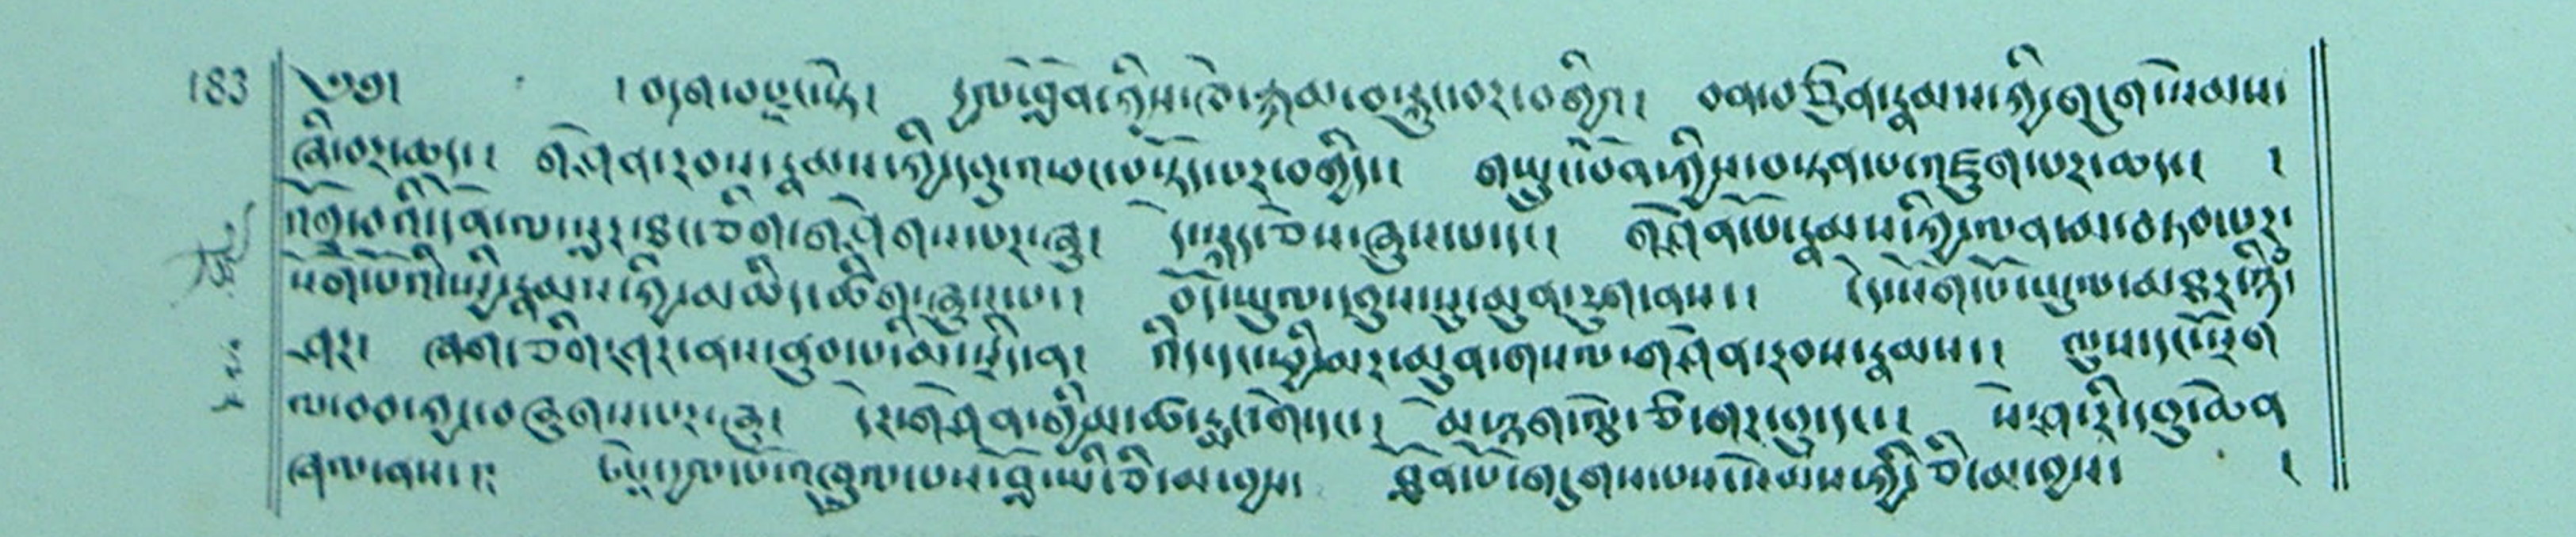༄༅། །བདག་བརྫང་ཏེ། རྒྱལ་བློན་རྣམས་ཀྱིས་ཁེ་སྐམ་བསྐུང་བར་བགྱིས། བན་བཙུན་རྣམས་ཀྱིས་གདུག་སེམས་
ཞི་བར་ཆད། གཤེན་རབ་རྣམས་ཀྱིས་དབུ་འཕང་བསྟོད་པར་བགྱིད། གཡུང་དྲུང་བོན་གྱི་བསྟན་པ་འཛུགས་པར་ཆད། 
འགྲོ་བའི་དོན་ལ་སླར་ཐང་གཅིག་གཤེགས་པར་ཞུ། དེ་སྐད་ཅེས་ཞུས་པ་དང་། གཤེན་པོ་རྣམས་ཀྱིས་ལན་མ་བཏབ་པར། 
སོག་པོའི་སྤྱི་རྣམས་ཀྱིས་མཆིད་ཚིག་ཞུས་པ། བོད་ཡུལ་དབུས་སུ་མུན་རུག་ནས། ངེད་སོག་པོའི་ཡུལ་མཐར་ཉི་མ་
ཤར། ཞག་གཅིག་ཤར་ནས་ནུབ་པ་མི་སྲིད་ན། འདི་དང་ཕྱི་མར་མུན་གསལ་གཤེན་རབས་རྣམས། ལུས་དང་སྲོག་
ལ་བབ་ཀྱང་བཞུགས་པར་ཞུ། དེར་གཤེན་གྱིམ་ཙ་རྨང་གེ་དང་། མེ་ཉག་ལྕེ་ཙ་གར་བུ་དང་། སེ་ཤ་རི་དབུ་ཆེན་
ཞལ་ནས། ཨཱེ་རྒྱལ་བོ་འཁྲུལ་པ་བློ་ཡིས་ཅི་མ་བྱས། བློན་པོ་གདུག་པས་སེམས་ཀྱིས་ཅི་མ་བྱས།